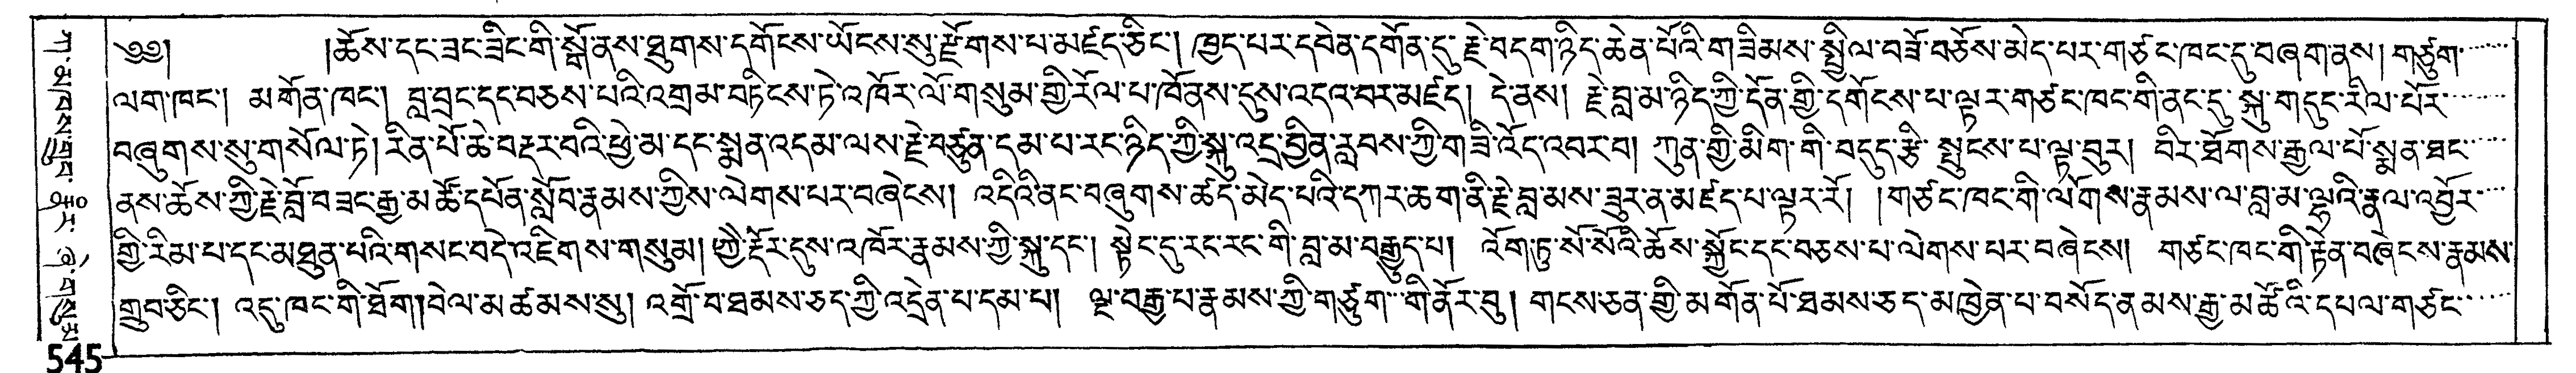༄༅། །ཆོས་དང་ཟང་ཟིང་གི་སྒོ་ནས་ཐུགས་དགོངས་ཡོངས་སུ་རྫོགས་པ་མཛད་ཅིང་། ཁྱད་པར་དབེན་དགོན་དུ་རྗེ་བདག་ཉིད་ཆེན་པོའི་གཟིམས་སྤྱིལ་བཟོ་བཅོས་མེད་པར་གཙང་ཁང་དུ་བཞག་ནས། གཙུག་
ལག་ཁང་། མགོན་ཁང་། བླ་བྲང་དང་བཅས་པའི་འགྲམ་བཏིངས་ཏེ་འཁོར་ལོ་གསུམ་གྱི་རོལ་པ་ཁོ་ནས་དུས་འདའ་བར་མཛད། དེ་ནས། རྗེ་བླ་མ་ཉིད་ཀྱི་དོན་གྱི་དགོངས་པ་ལྟར་གཙང་ཁང་གི་ནང་དུ་སྐུ་གདུང་རིལ་པོར་
བཞུགས་སུ་གསོལ་ཏེ། རིན་པོ་ཆེ་བརྡར་བའི་ཕྱེ་མ་དང་སྨན་འདམ་ལས་རྗེ་བཙུན་དམ་པ་རང་ཉིད་ཀྱི་སྐུ་འདྲ་བྱིན་རླབས་ཀྱི་གཟི་འོད་འབར་བ། ཀུན་གྱི་མིག་གི་བདུད་རྩི་སྤུངས་པ་ལྟ་བུར། བིར་ཐོགས་རྒྱལ་པོ་སྨན་ཐང་
ནས་ཆོས་ཀྱི་རྗེ་བློ་བཟང་རྒྱ་མཚོ་དཔོན་སློབ་རྣམས་ཀྱིས་ལེགས་པར་བཞེངས། འདིའི་ནང་བཞུགས་ཚད་མེད་པའི་དཀར་ཆག་ནི་རྗེ་བླ་མས་ཟུར་ན་མཛད་པ་ལྟར་རོ། །གཙང་ཁང་གི་ལོགས་རྣམས་ལ་བླ་མ་ལྷའི་རྣལ་འབྱོར་
གྱི་རིམ་པ་དང་མཐུན་པའི་གསང་བདེ་འཇིགས་གསུམ། ཀྱཻ་རྡོར་དུས་འཁོར་རྣམས་ཀྱི་སྐུ་དང་། སྟེང་དུ་རང་རང་གི་བླ་མ་བརྒྱུད་པ། འོག་ཏུ་སོ་སོའི་ཆོས་སྐྱོང་དང་བཅས་པ་ལེགས་པར་བཞེངས། གཙང་ཁང་གི་རྟེན་བཞེངས་རྣམས་
གྲུབ་ཅིང་། འདུ་ཁང་གི་ཐོག །བེལ་མཚམས་སུ། འགྲོ་བ་ཐམས་ཅད་ཀྱི་འདྲེན་པ་དམ་པ། ལྔ་བརྒྱ་པ་རྣམས་ཀྱི་གཙུག་གི་ནོར་བུ། གངས་ཅན་གྱི་མགོན་པོ་ཐམས་ཅད་མཁྱེན་པ་བསོད་ནམས་རྒྱ་མཚོའི་དཔལ་གཙང་